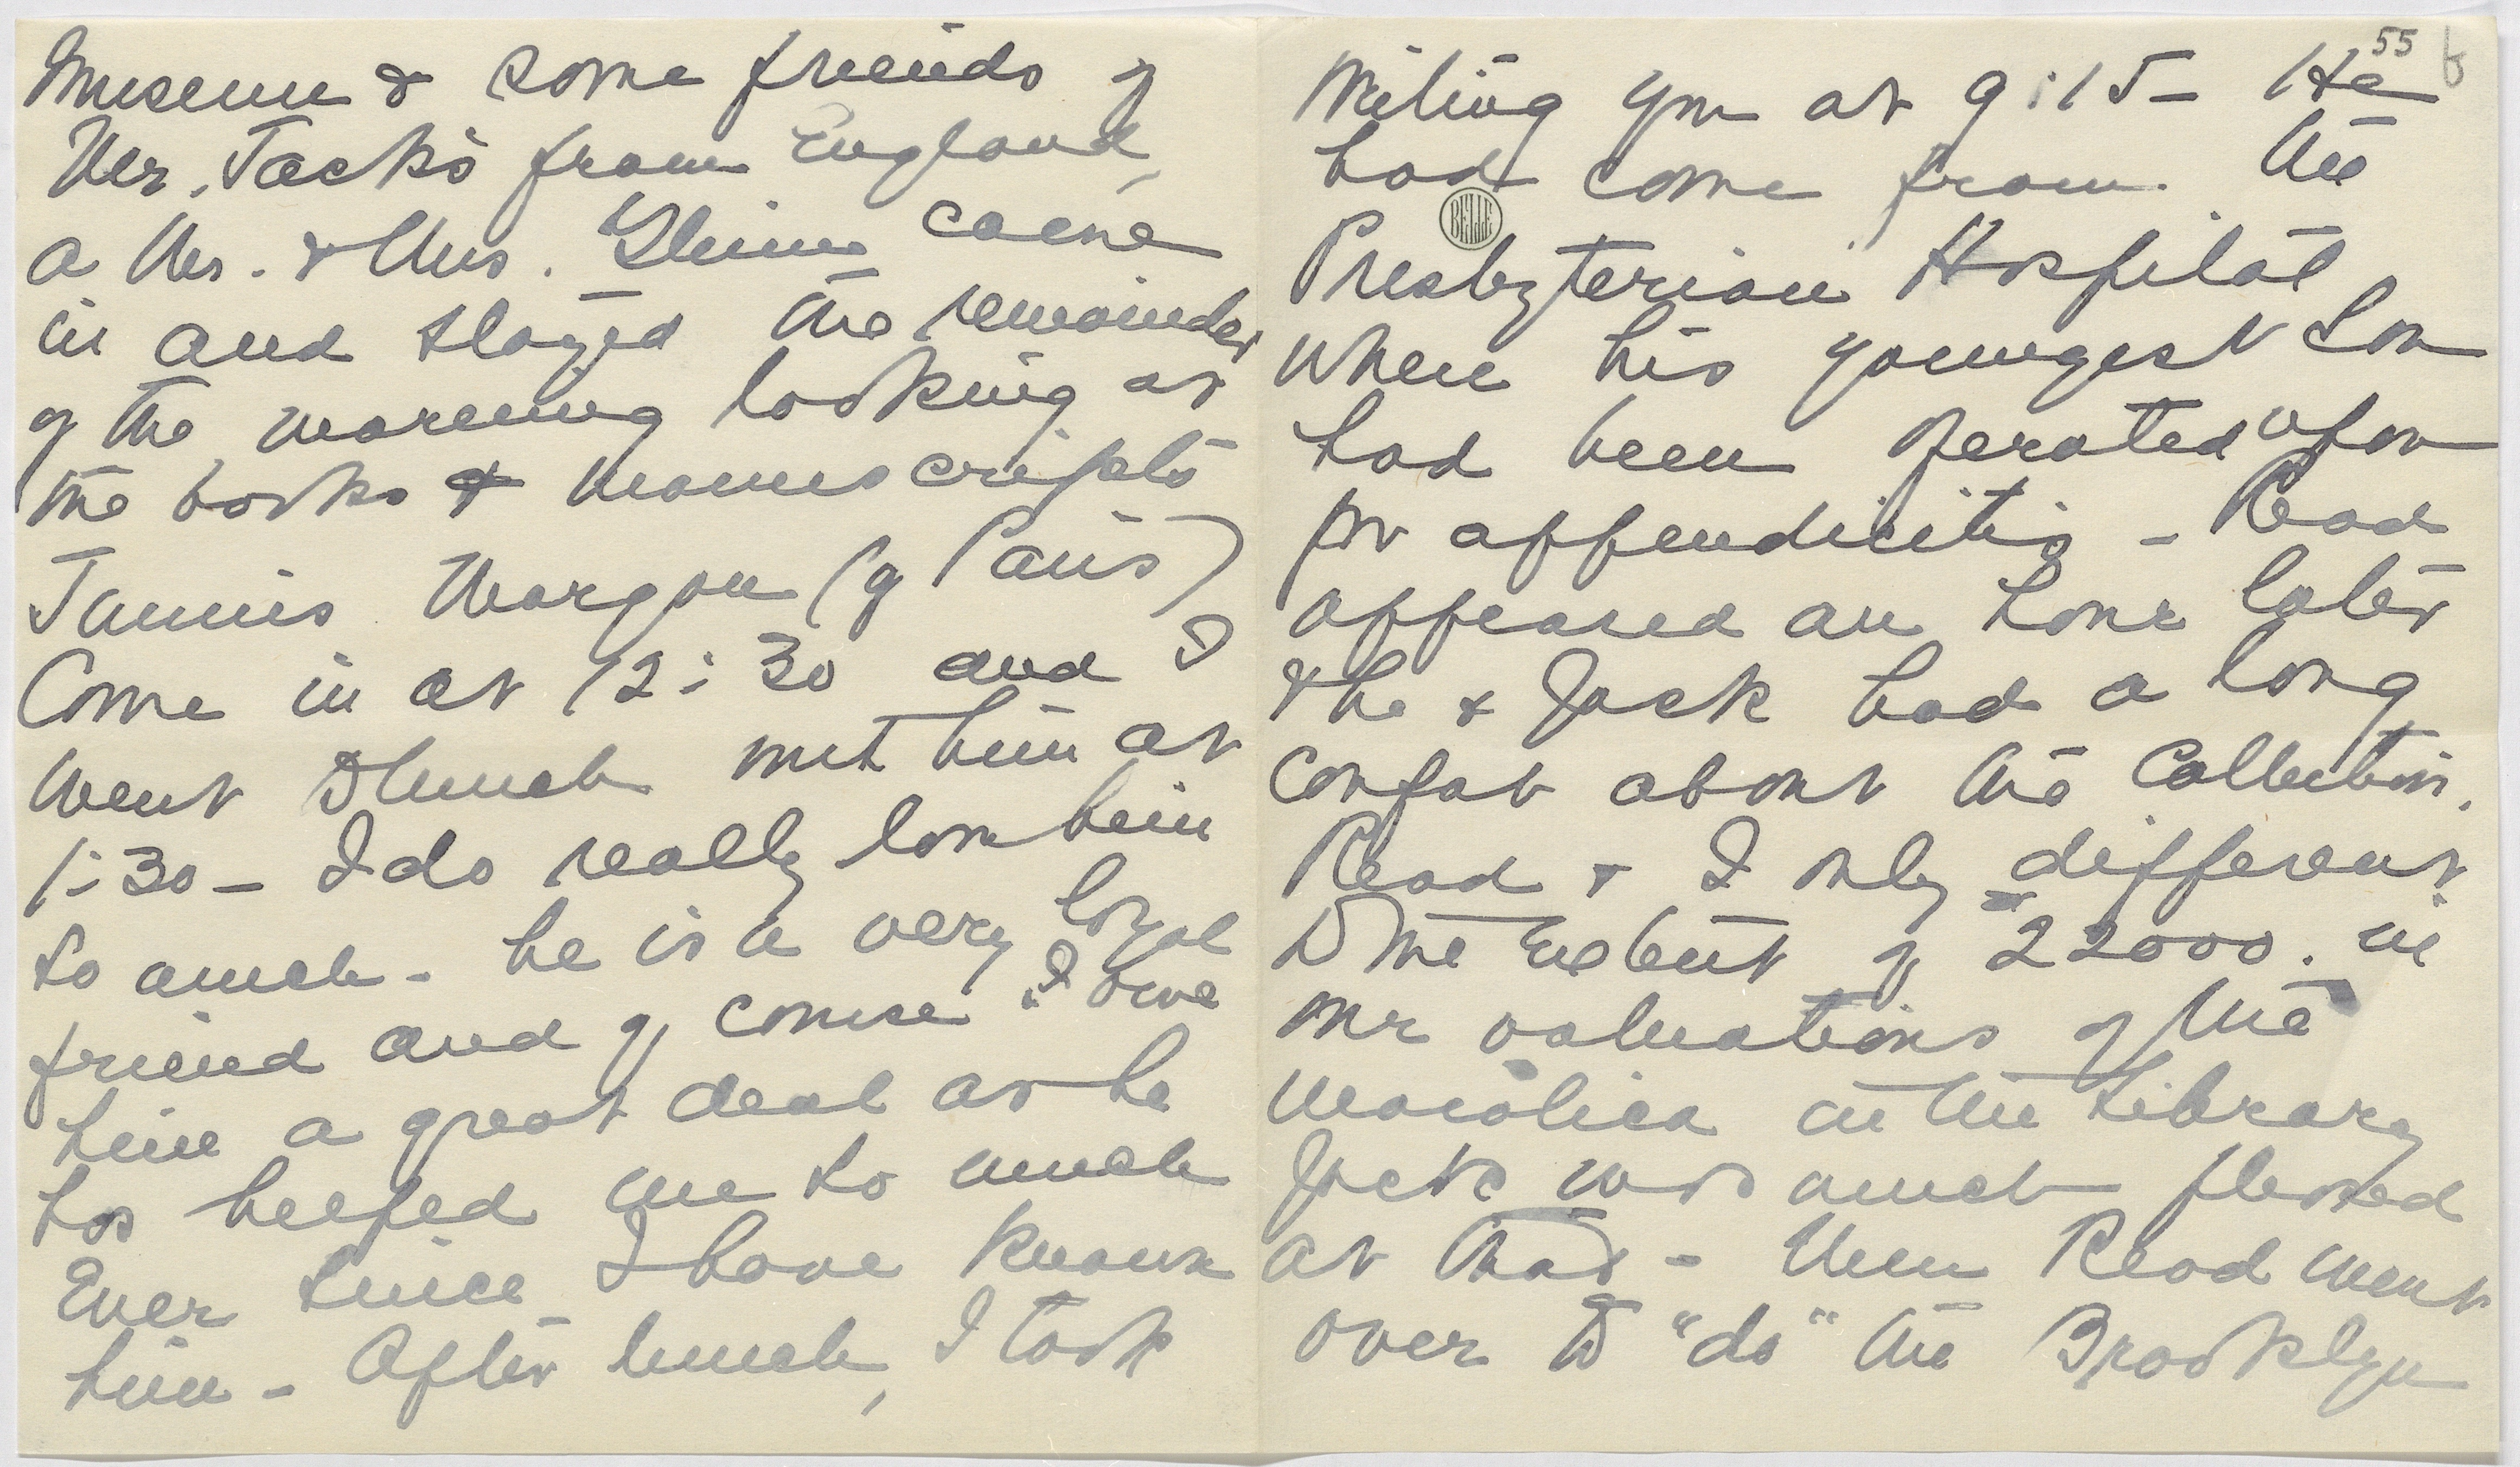writing you at 9:15 – He had come from the Presbyterian Hospital where his youngest son had been operated upon for appendicitis – Read appeared an hour later & he & Jack had a long confab about the collection. Read & I only different to the extent of $22000. in our valuations of the Majolica in the Library Jack was much pleased at that – then Read went over to “do” the Brooklyn
Museum & some friends of Mr. Jack’s from England a Mr. & Mrs. Gleim came in and stayed the remainder of the morning looking at the books & manuscripts Junius Morgan (of Paris) came in at 12:30 and I went to lunch with him at 1:30 – I do really love him so much – he is a very loyal friend and of course I love him a great deal as he has helped me so much ever since I have know him – After lunch, I took